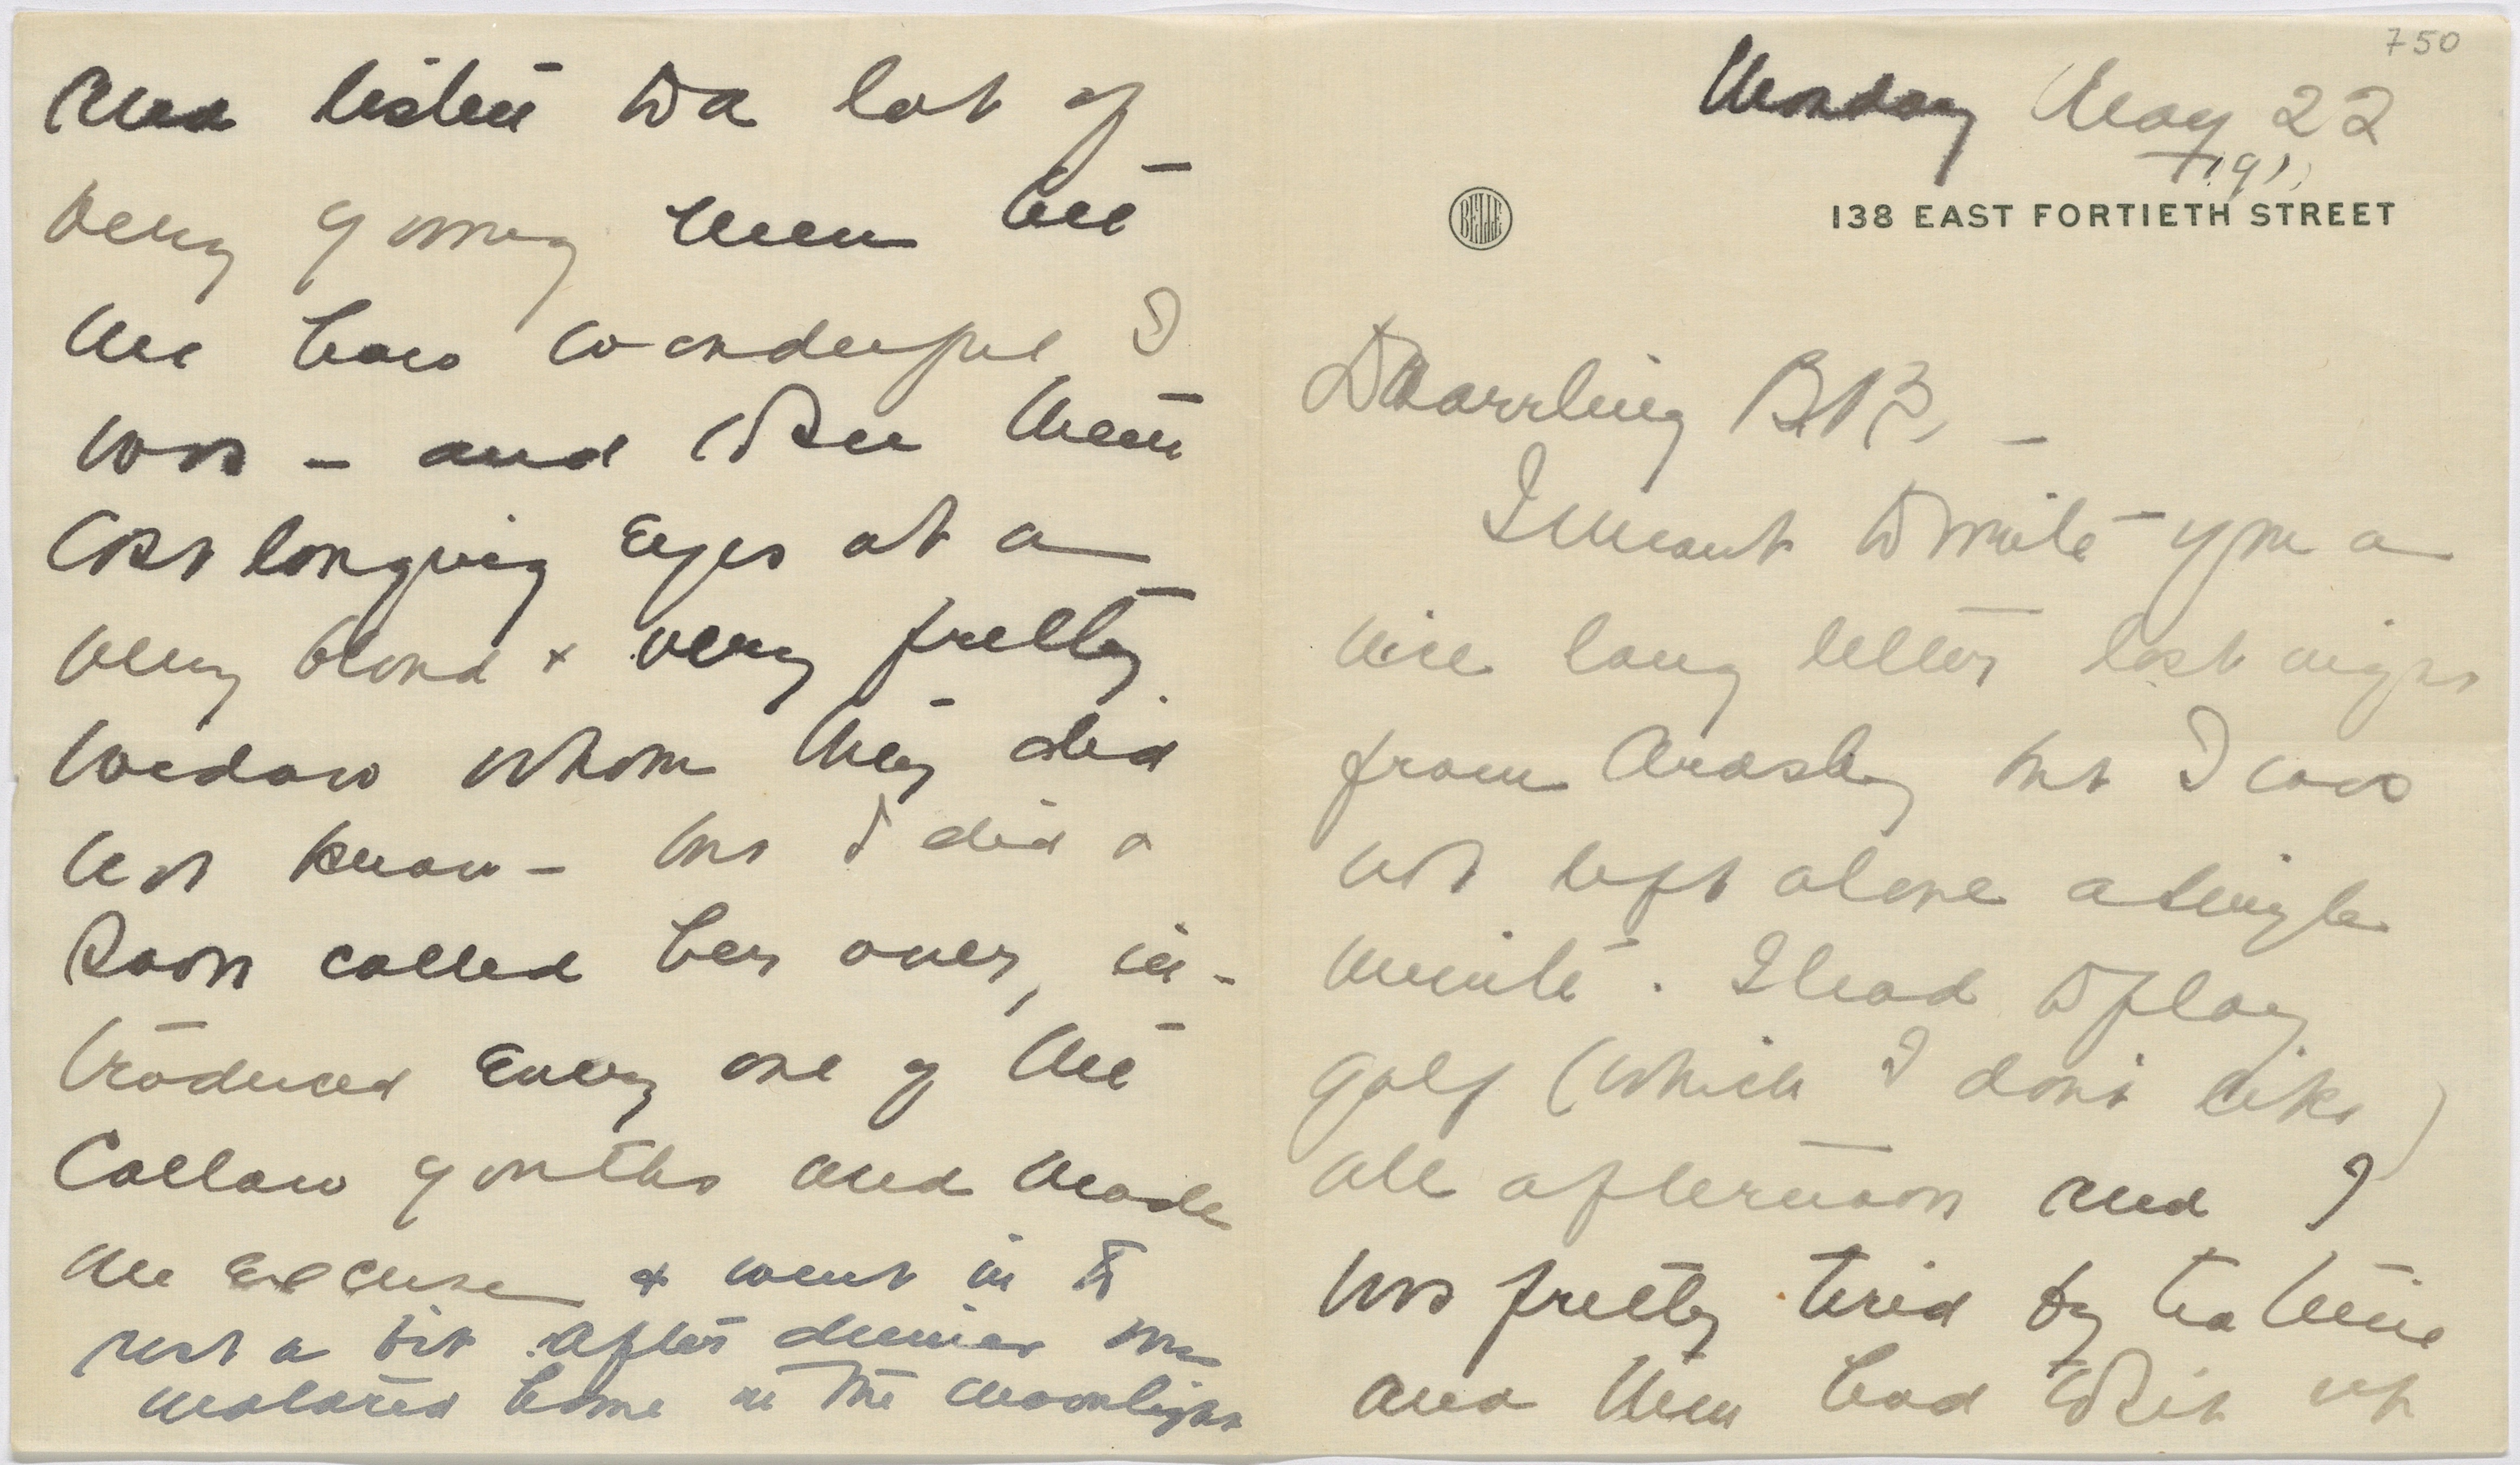Monday May 22
1911
Daarrling BB –
I meant to write you a nice long letter last night from Ardsley but I was not left alone a single minute. I had to play golf (which I don’t like) all afternoon and I was pretty tired by tea time and then had to sit up
and listen to a lot of very young men tell me how wonderful I was – and to see them cast longing eyes at a very blond & very pretty widow whom they did not know – but I did & soon called her over, introduced every one of the callow youths and made an excuse & went in to rest a bit after dinner then motored home in the moonlight